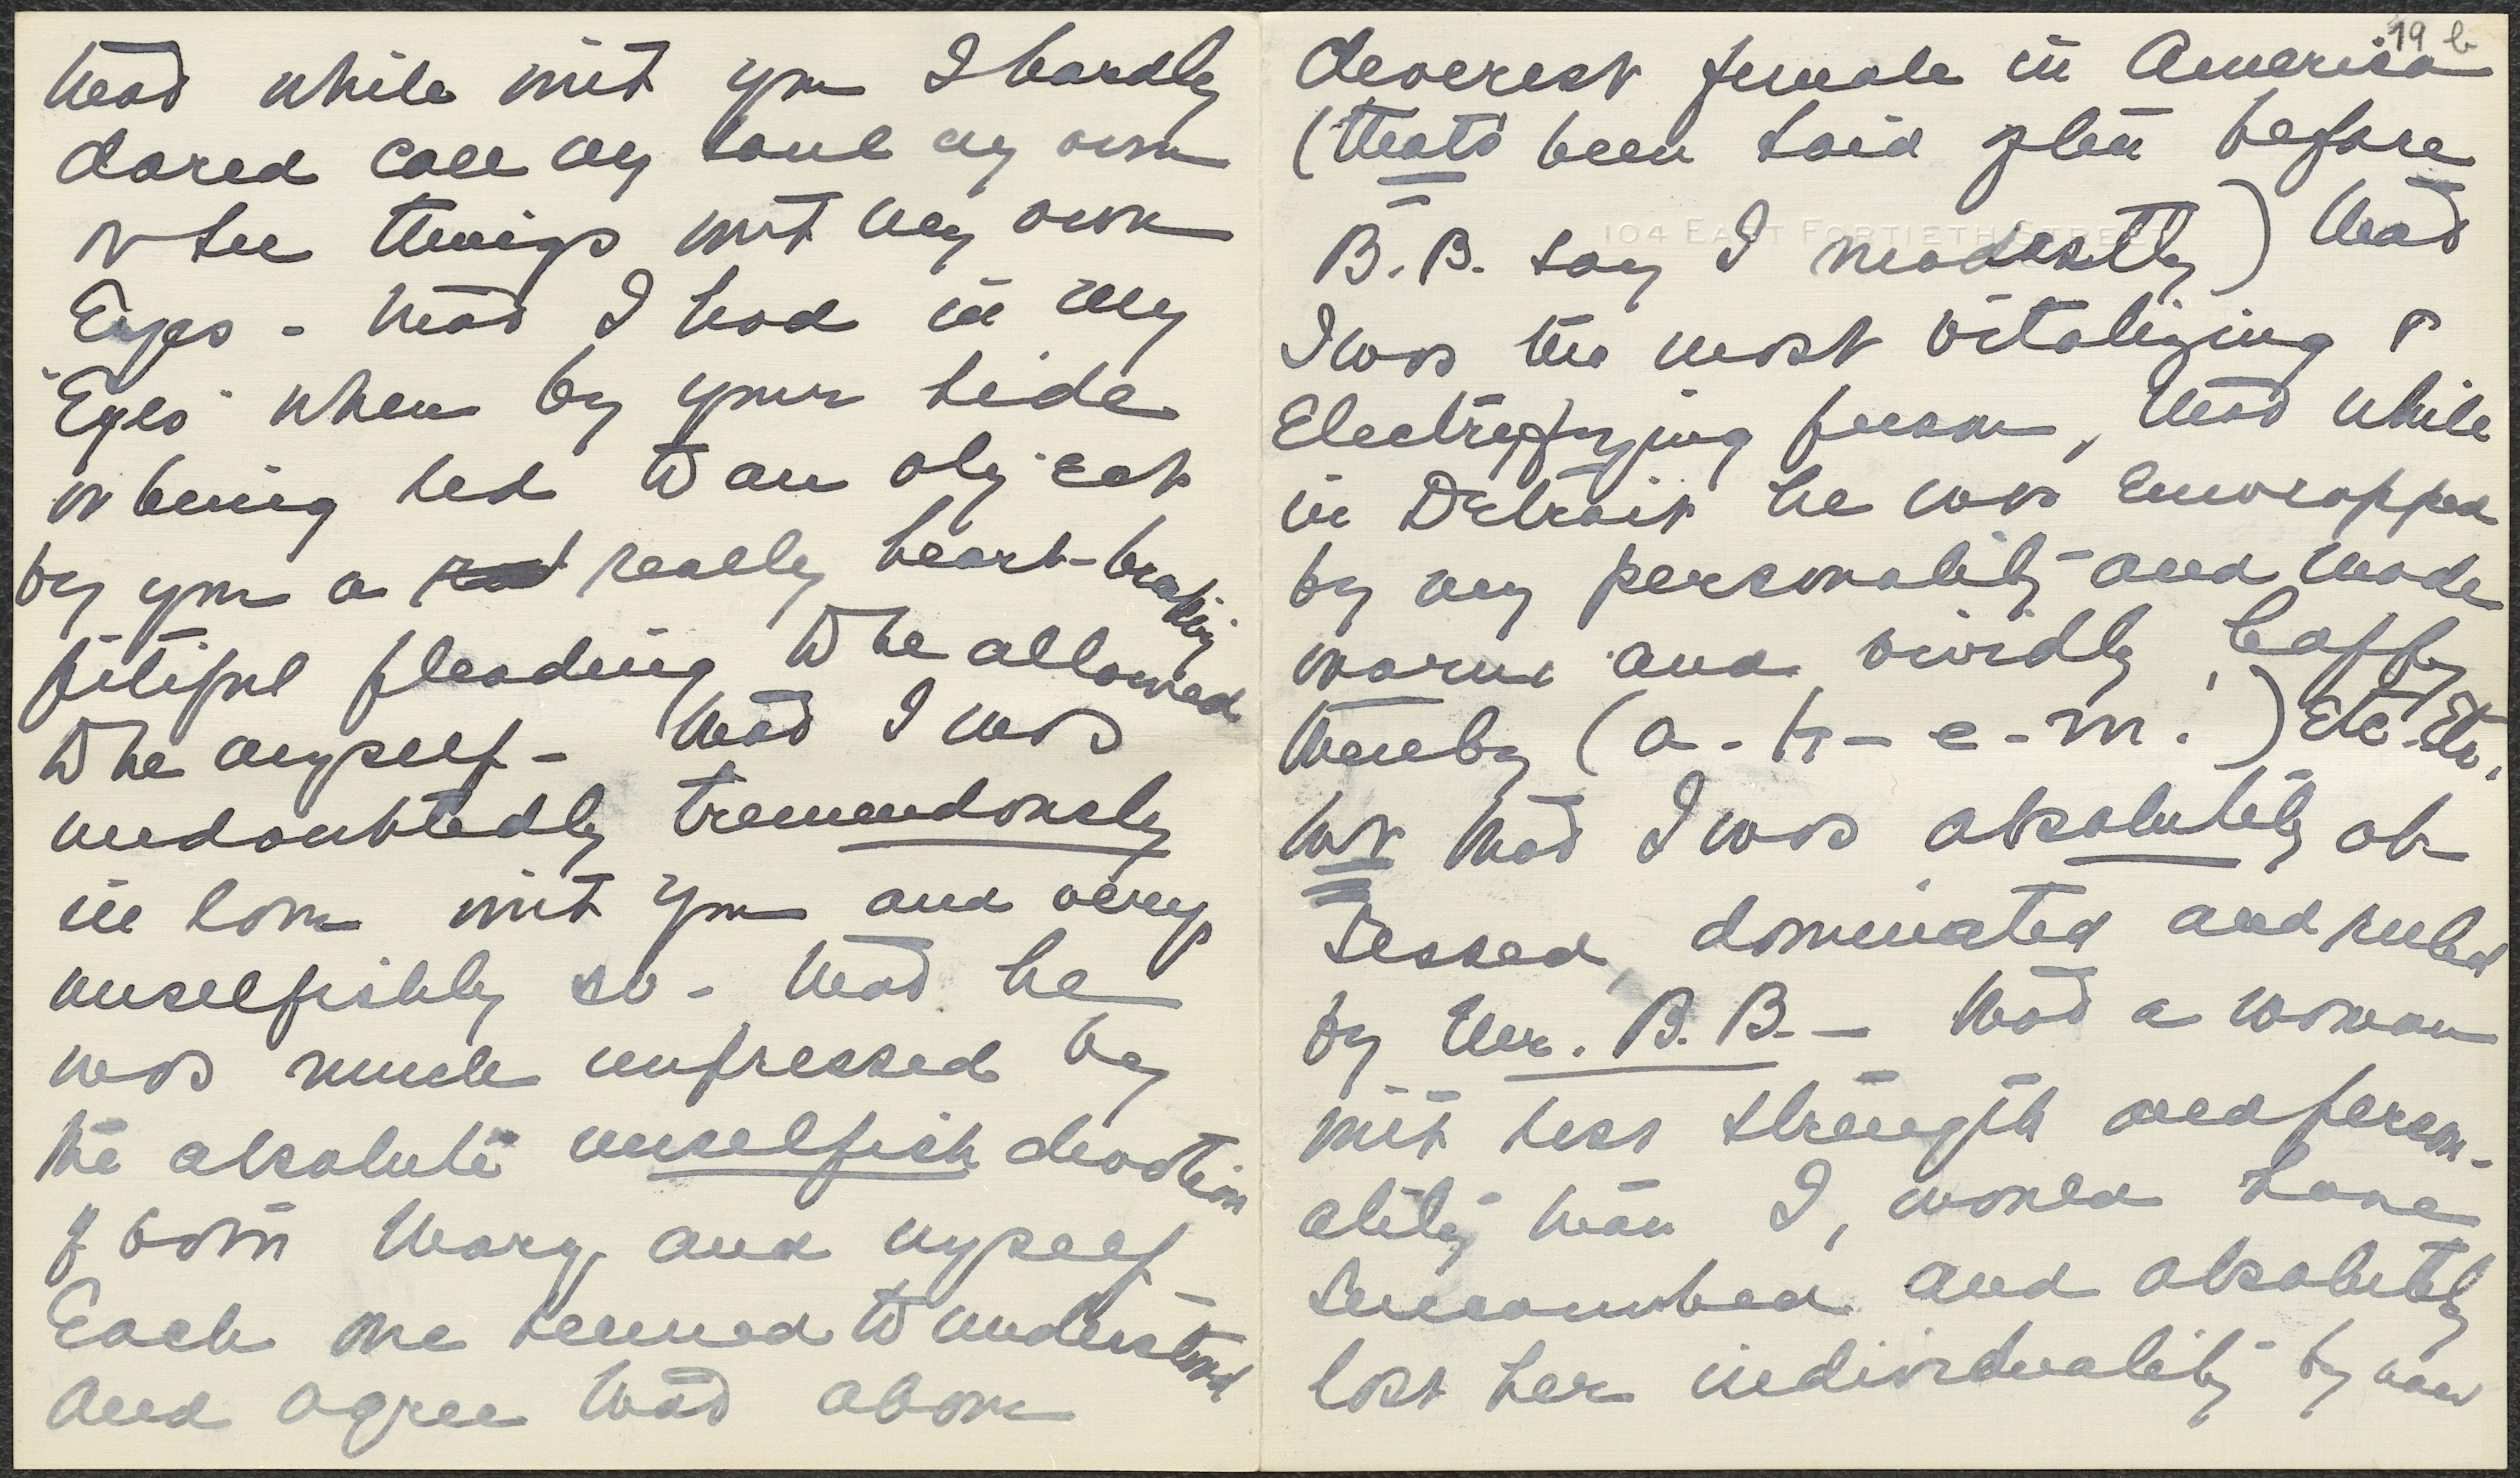cleverest female in America (that's been said often before B.B. say I modestly) that I was the most vitalizing & electrifying person, that while in Detroit he was enwrapped by my personality and made warm and vividly happy thereby (a - h - e - m!) etc. etc. [triple underlined: but] that I was absolutely obsessed, dominated and ruled by Mr. B.B. – that a woman with less strength and personality than I, would have succoumbed [sic] and absolutely lost her individuality by now
that while with you I hardly dared call my soul my own or see things with my own eyes – that I had in my "eyes" when by your side or being led to an object by you a rel really heart-breaking pitiful pleading to be allowed to be myself – that I was undoubtedly tremendously in love with you and very unselfishly so – that he was much impressed by the absolute unselfish devotion of both Mary and myself – each one seemed to understand and agree that above